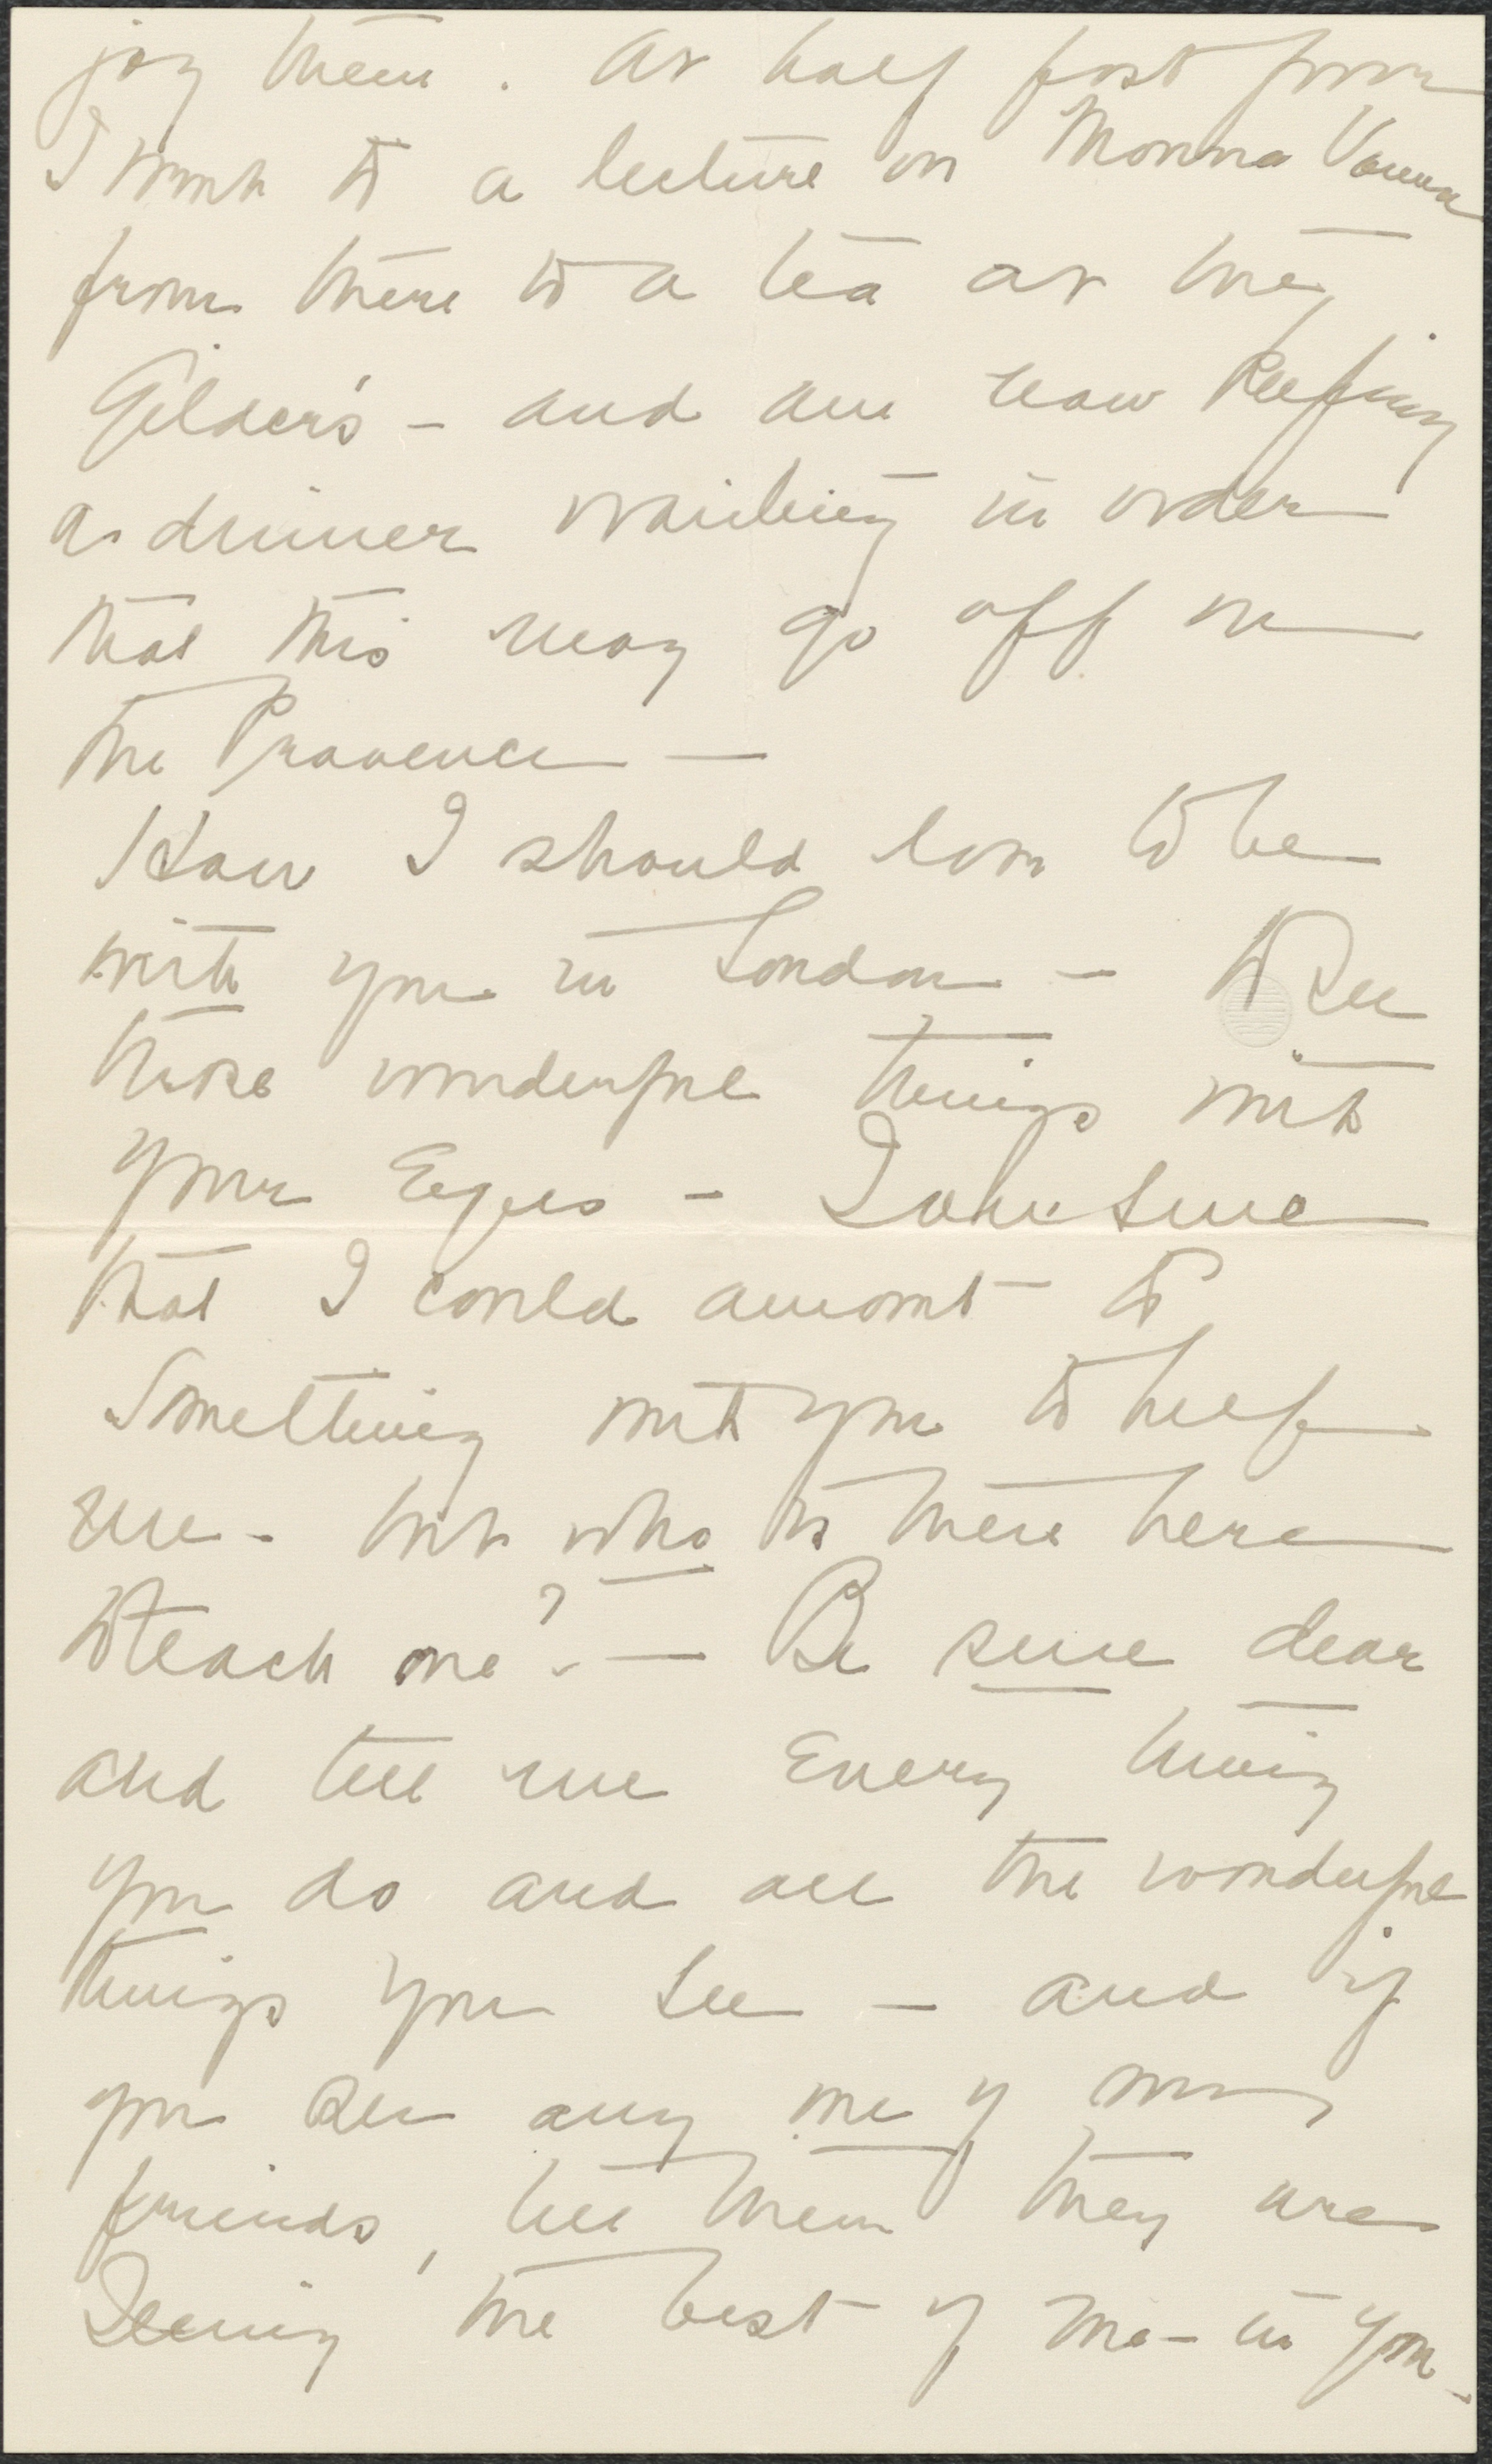them. At half past four I went to a lecture on Monna Vanna from there to a tea at the Gilder’s – and am now keeping a dinner waiting in order that this may go off on the Provence –
How I should love to be with you in London – to see those wonderful things with your eyes – I am sure that I could amount to something with you to help me – but who is there here to teach one? – Be sure dear and tell me every thing you do and all the wonderful things you see – and if you see any one of our friends, tell them they are seeing the best of me – in you –